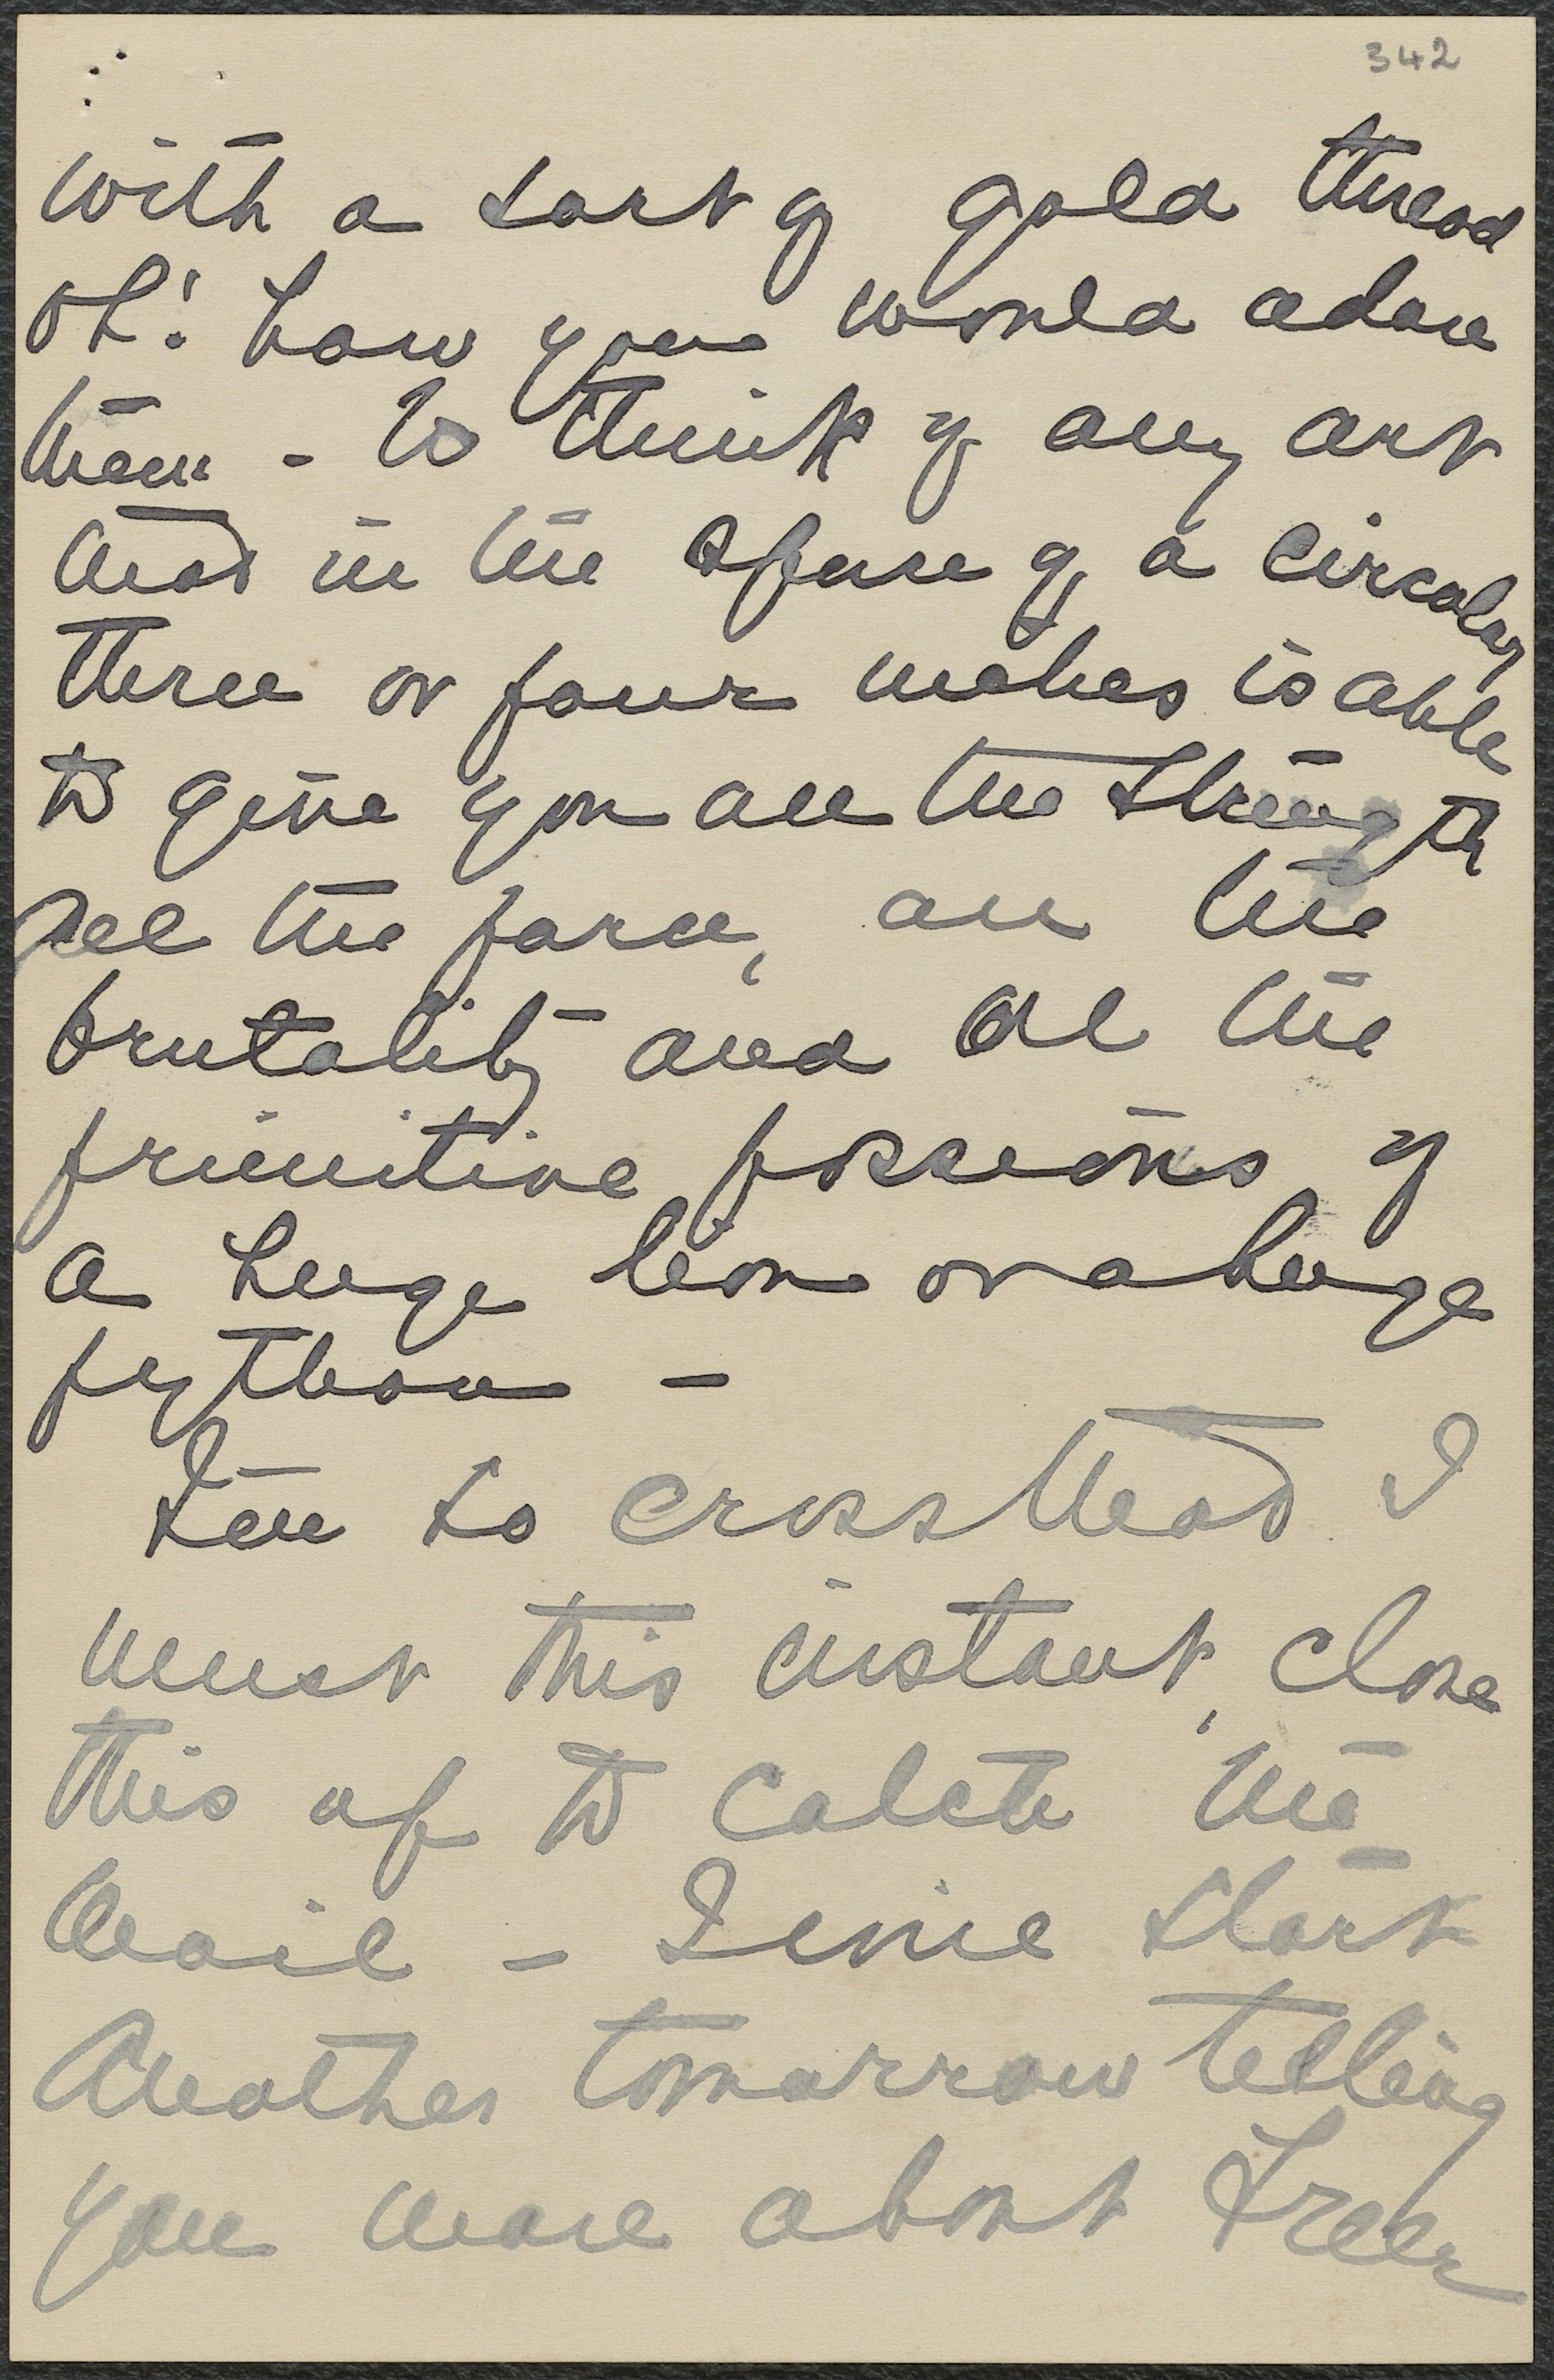with a sort of gold thread oh! how you would adore them – to think of any art that in the space of a circular three or four inches is able to give you all the strength all the force, all the brutality and all the primitive passions of a huge lion or a huge python –
I’m so cross that I must this instant, close this up to catch the mail – I will start another tomorrow telling you more about Freer